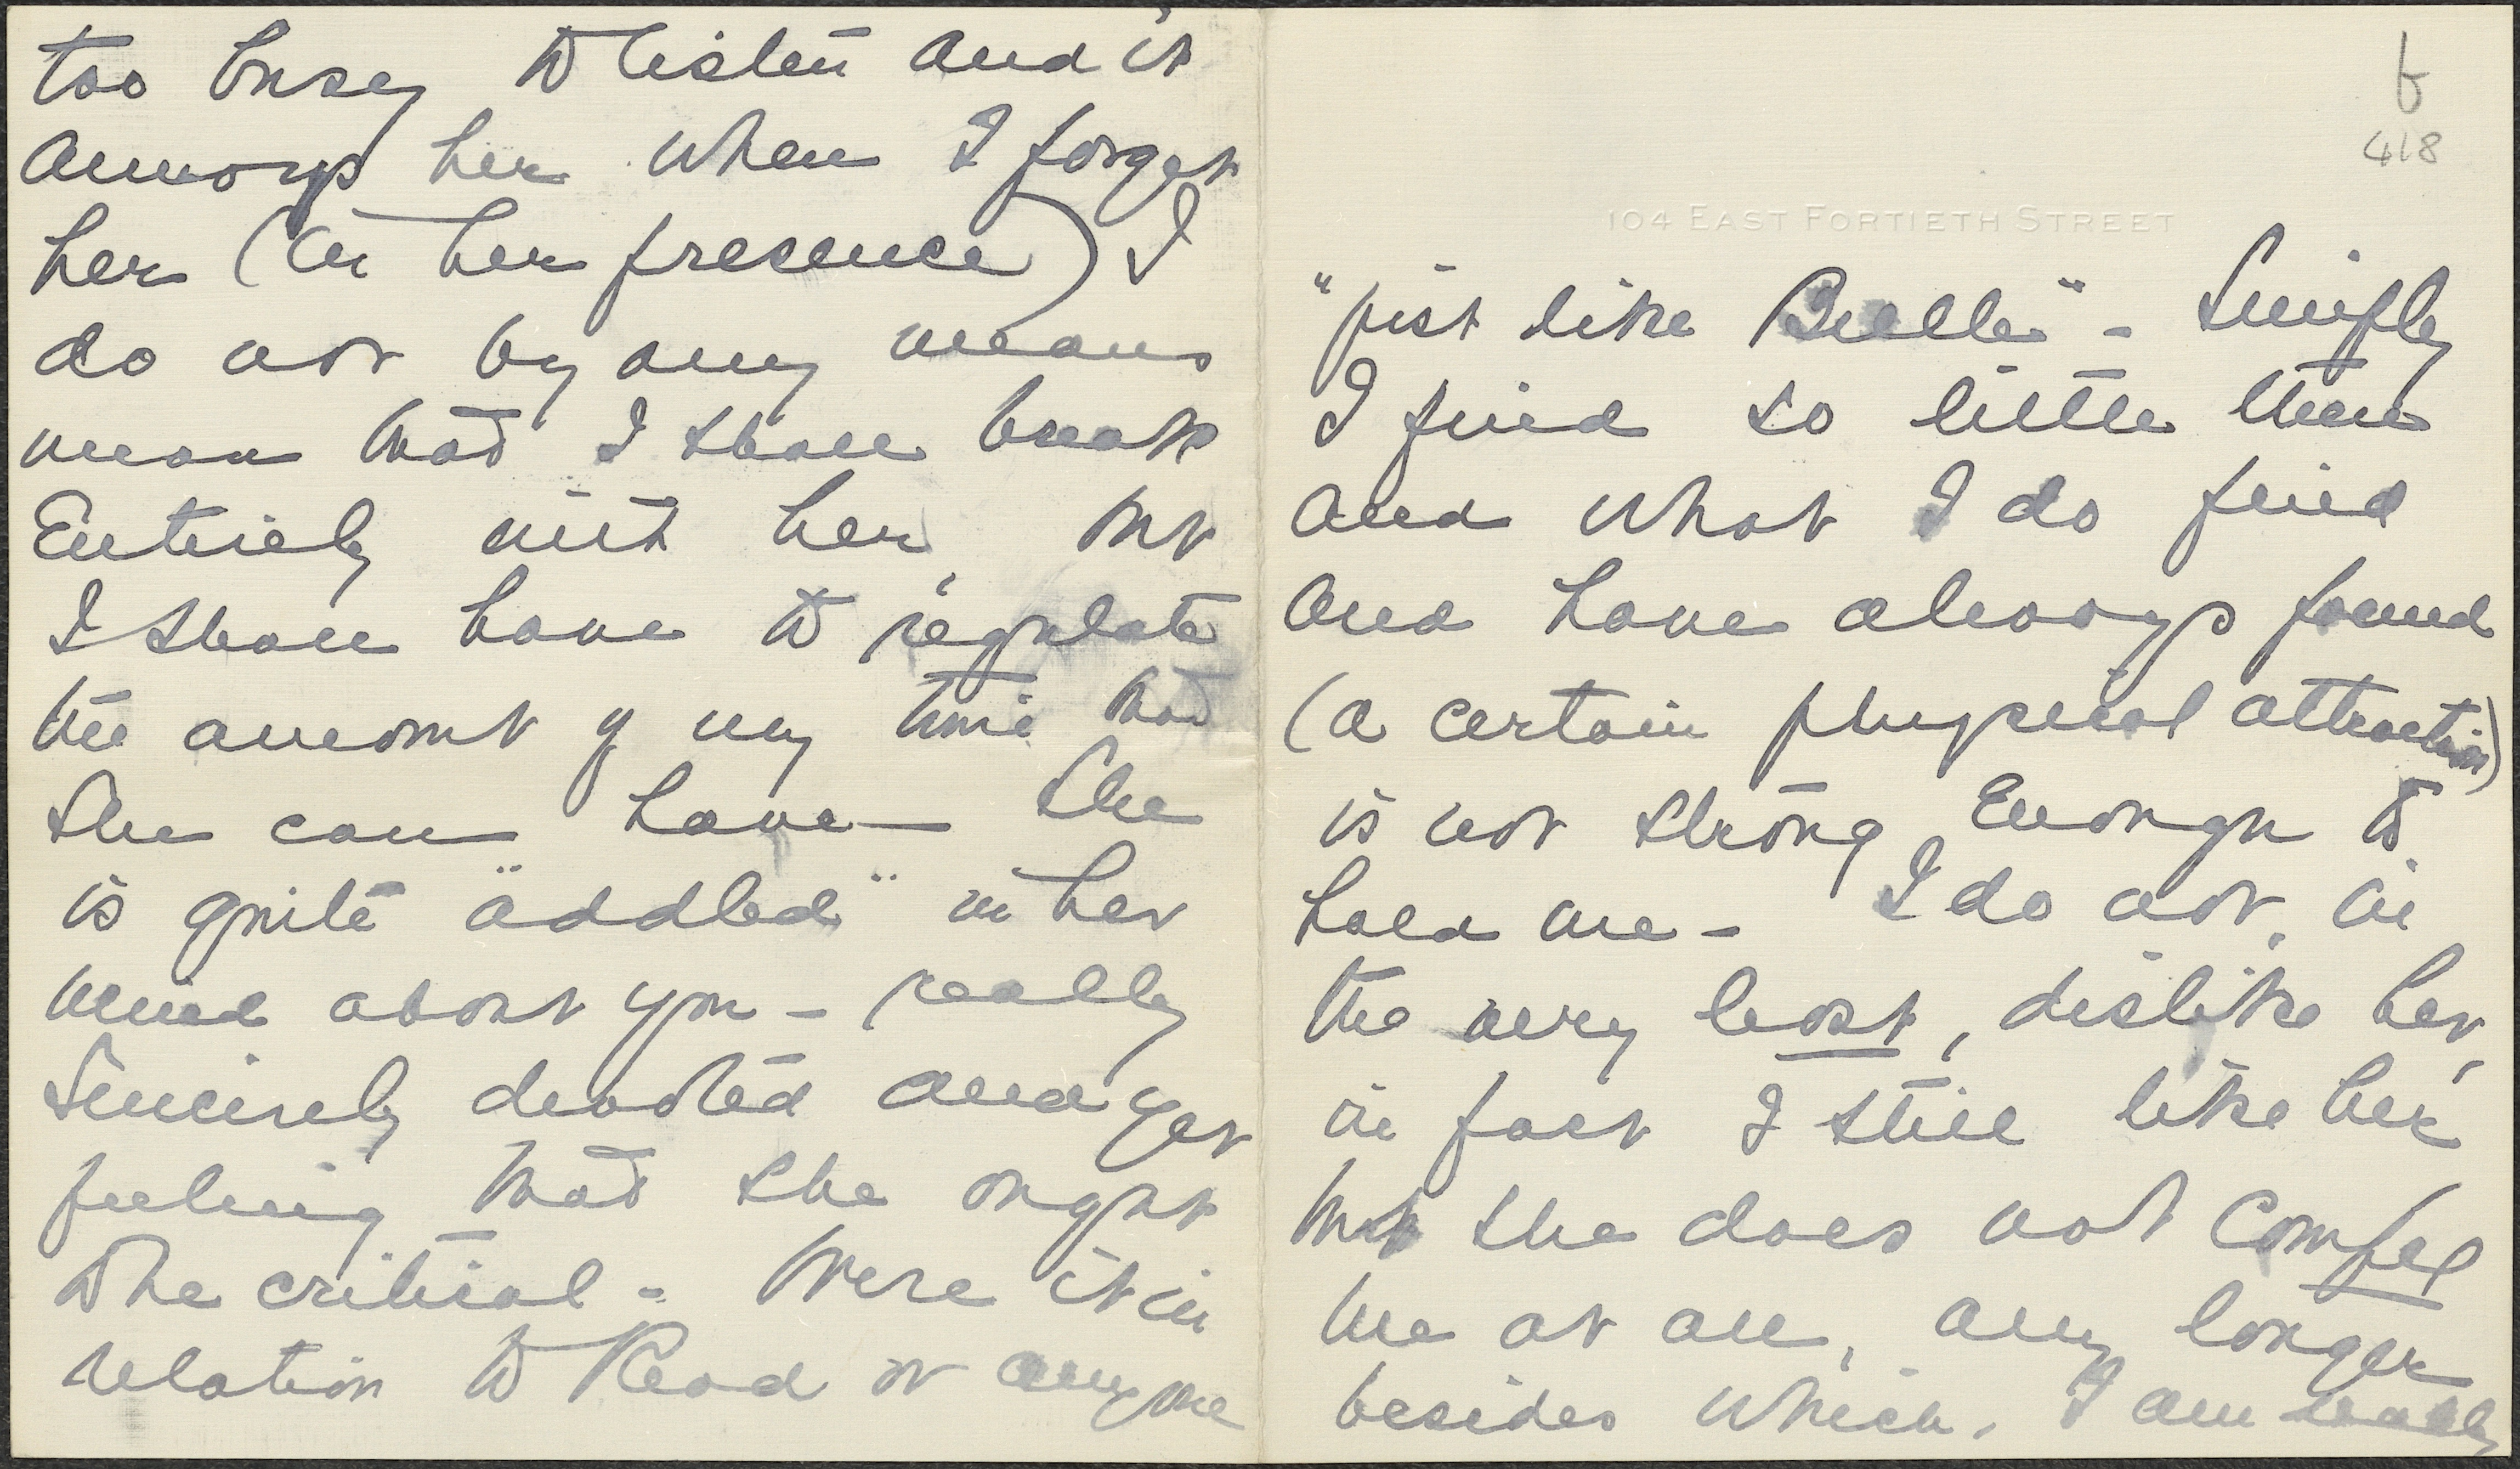“just like Belle” – Simply I find so little there and what I do find and have always found (a certain physical attraction) is not strong enough to hold me – I do not in the very least, dislike her, in fact I still like her but she does not compel me at all, any longer besides which, I am really
too busy to listen and it annoys her when I forget her (in her presence) I do not by any means mean that I shall break entirely with her, but I shall have to regulate the amount of my time that she can have – She is quite “addled” in her mind about you – really sincerely devoted and yet feeling that she ought to be critical – were it in relation to Read or anyone